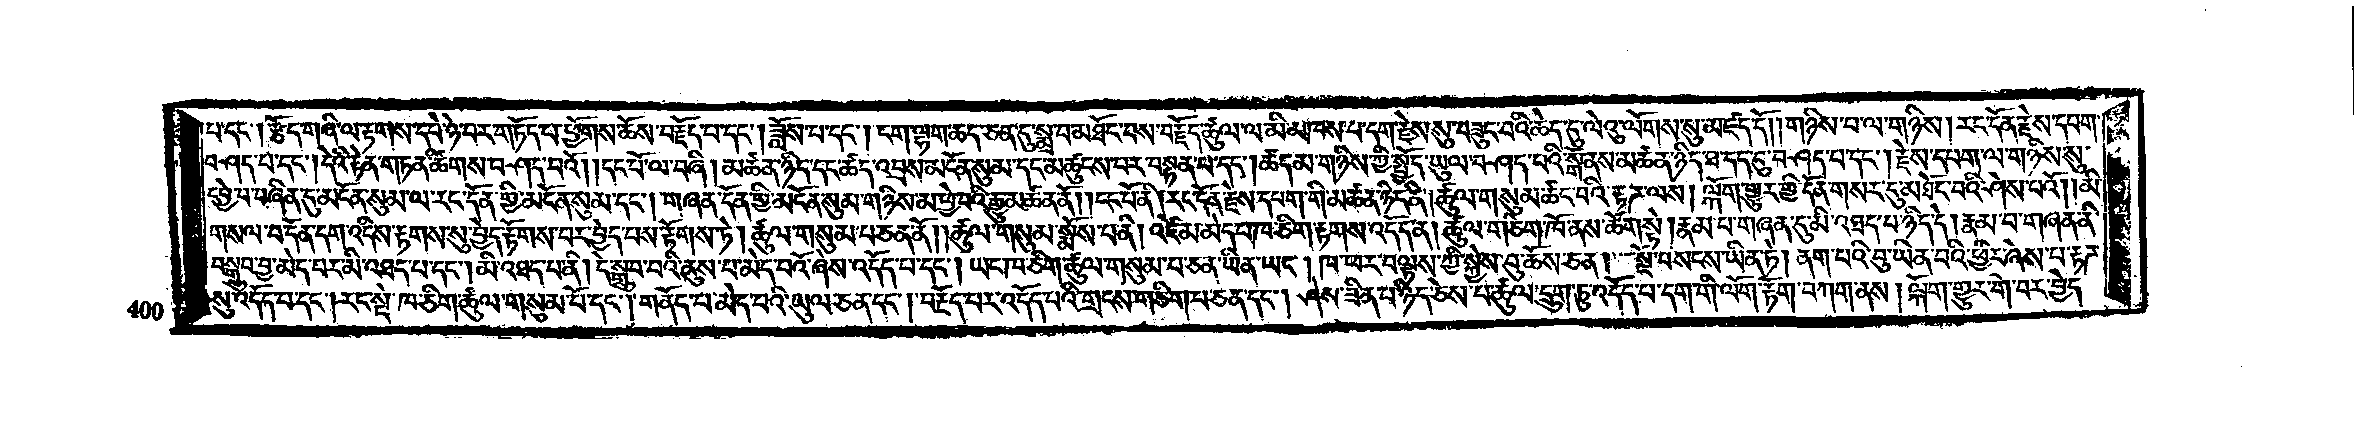པ་དང་། རྩོད་གཞི་ལ་རྟགས་དཔེ་ཉེ་བར་གཏོད་པ་ཕྱོགས་ཆོས་བརྗོད་པ་དང་། ཟློས་པ་དང་། ངག་ལྷག་ཆད་ཅན་དུ་སྨྲ་བ་མཐོང་བས་བརྗོད་ཚུལ་ལ་མི་མཁས་པ་དག་རྗེས་སུ་བཟུང་བའི་ཆེད་དུ་ལེའུ་ལོགས་སུ་མཛད་དོ། །གཉིས་པ་ལ་གཉིས། རང་དོན་རྗེས་དཔག་
བཤད་པ་དང་། དེའི་རྟེན་གཏན་ཚིགས་བཤད་པའོ། །དང་པོ་ལ་བཞི། མཚན་ཉིད་དང་ཚད་འབྲས་མངོན་སུམ་དང་མཚུངས་པར་བསྟན་པ་དང་། ཚད་མ་གཉིས་ཀྱི་སྤྱོད་ཡུལ་བཤད་པའི་སྒོ་ནས་མཚན་ཉིད་ཐ་དད་དུ་བཤད་པ་དང་། རྗེས་དཔག་ལ་གཉིས་སུ་
དབྱེ་བ་བཞིན་དུ་མངོན་སུམ་ལ་རང་དོན་གྱི་མངོན་སུམ་དང་། གཞན་དོན་གྱི་མངོན་སུམ་གཉིས་མ་ཕྱེ་བའི་རྒྱུ་མཚན་ནོ། །དང་པོ་ནི། རང་དོན་རྗེས་དཔག་གི་མཚན་ཉིད་ནི། ཚུལ་གསུམ་ཚང་བའི་རྟགས་ལས། ལྐོག་གྱུར་གྱི་དོན་གསར་དུ་མཐོང་བའི་ཤེས་པའོ། །མི་
གསལ་བ་དོན་དག་འདིས་རྟགས་སུ་བྱེད་རྟོགས་པར་བྱེད་པས་རྟོགས་ཏེ། ཚུལ་གསུམ་པ་ཅན་ནོ། །ཚུལ་གསུམ་སྨོས་པ་ནི། འཛེམ་མེད་པ་ཁ་ཅིག་རྟགས་འདོད་ན། ཚུལ་གཅིག་ཁོ་ནས་ཆོག་སྟེ། རྣམ་པ་གཞན་དུ་མི་འཐད་པ་ཉིད་དེ། རྣམ་པ་གཞན་ནི་
བསྒྲུབ་བྱ་མེད་པར་ཨི་འཐད་པ་དང་། མི་འཐད་པ་ནི། དེ་སྒྲུབ་པའི་ནུས་པ་མེད་པའོ་ཞེས་འདོད་པ་དང་། ཡང་ཁ་ཅིག་ཚུལ་གསུམ་པ་ཅན་ཡིན་ཡང་། ཁ་ཕར་བལྟས་ཀྱི་སྐྱེས་བུ་ཆོས་ཅན། སྔོ་བསངས་ཡིན་ཏེ། ནག་པའི་བུ་ཡིན་པའི་ཕྱིར་ཞེས་པ་རྟགས་
སུ་འདོད་པ་དང་། རང་སྡེ་ཁ་ཅིག་ཚུལ་གསུམ་པོ་དང་། གནོད་པ་མེད་པའི་ཡུལ་ཅན་དང་། བརྗོད་པར་འདོད་པའི་གྲངས་གཅིག་པ་ཅན་དང་། ཤེས་ཟིན་པ་ཉིད་ཅེས་པ་ཚུལ་དྲག་ཏུ་འདོད་པ་དག་གི་ལོག་རྟོག་བཀག་ནས། ལྐོག་གྱུར་གེ་བར་བྱེད་